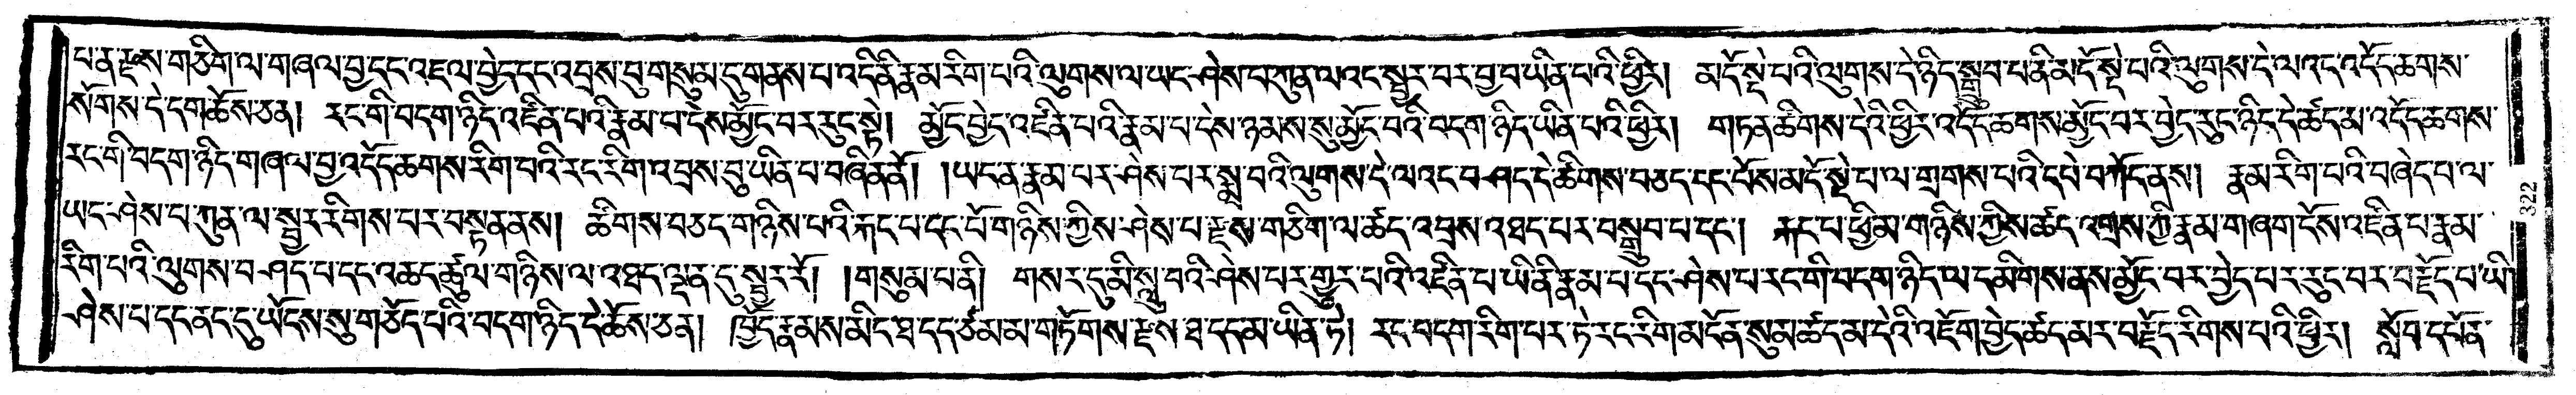པ་ན་རྫས་གཅིག་ལ་གཞལ་བྱ་དང་འཇལ་བྱེད་དང་འབྲས་བུ་གསུམ་དུ་གནས་པ་འདི་ནི་རྣམ་རིག་པའི་ལུགས་ལ་ཡང་ཤེས་པ་ཀུན་ལའང་སྦྱར་བར་བྱ་བ་ཡིན་པའི་ཕྱིར། མདོ་སྡེ་པའི་ལུགས་དེ་ཉིད་སྒྲུབ་པ་ནི་མདོ་སྡེ་པའི་ལུགས་དེ་ལའང་འདོད་ཆགས་
སོགས་དེ་དག་ཆོས་ཅན། རང་གི་བདག་ཉིད་འཛིན་པའི་རྣམ་པ་དེས་མྱོང་བར་རུང་སྟེ། མྱོང་བྱེད་འཛིན་པའི་རྣམ་པ་དེས་ཉམས་སུ་མྱོང་བའི་བདག་ཉིད་ཡིན་པའི་ཕྱིར། གཏན་ཚིགས་དེའི་ཕྱིར་འདོད་ཆགས་མྱོང་བར་བྱེད་རུང་ཉིད་དེ་ཚད་མ་འདོད་ཆགས་
རང་གི་བདག་ཉིད་གཞལ་བྱ་འདོད་ཆགས་རིག་པའི་རང་རིག་འབྲས་བུ་ཡིན་པ་བཞིན་ནོ། །ཡང་ན་རྣམ་པར་ཤེས་པར་སྨྲ་བའི་ལུགས་དེ་ལའང་བཤད་དེ་ཚིགས་བཅད་དང་པོས་མདོ་སྡེ་པ་ལ་གྲགས་པའི་དཔེ་བཀོད་ནས། རྣམ་རིག་པའི་བཞེད་པ་ལ་
ཡང་ཤེས་པ་ཀུན་ལ་སྦྱར་རིགས་པར་བསྟན་ནས། ཚིགས་བཅད་གཉིས་པའི་རྐང་པ་དང་པོ་གཉིས་ཀྱིས་ཤེས་པ་རྫས་གཅིག་ལ་ཚད་འབྲས་འཐད་པར་བསྒྲུབ་པ་དང་། རྐང་པ་ཕྱི་མ་གཉིས་ཀྱིས་ཚད་འབྲས་ཀྱི་རྣམ་གཞག་ངོས་འཛིན་པ་རྣམ་
རིག་པའི་ལུགས་བཤད་པ་དང་འཆད་ཚུལ་གཉིས་ལ་འཐད་ལྡན་དུ་སྦྱར་རོ། །གསུམ་པ་ནི། གསར་དུ་མི་སླུ་བའི་ཤེས་པར་གྱུར་པའི་འཛིན་པ་ཡི་ནི་རྣམ་པ་དང་ཤེས་པ་རང་གི་བདག་ཉིད་ལ་དམིགས་ནས་མྱོང་བར་བྱེད་པར་རུང་བར་བརྗོད་པ་ཡི་
ཤེས་པ་དང་ནང་དུ་ཡོངས་སུ་གཅོད་པའི་བདག་ཉིད་དེ་ཆོས་ཅན། ཁྱོད་རྣམས་མིང་ཐ་དད་ཙམ་མ་གཏོགས་རྫས་ཐ་དད་མ་ཡིན་ཏེ། རང་བདག་རིག་པར་ཏེ་རང་རིག་མངོན་སུམ་ཚད་མ་དེའི་འཇོག་བྱེད་ཚད་མར་བརྗོད་རིགས་པའི་ཕྱིར། སློབ་དཔོན་